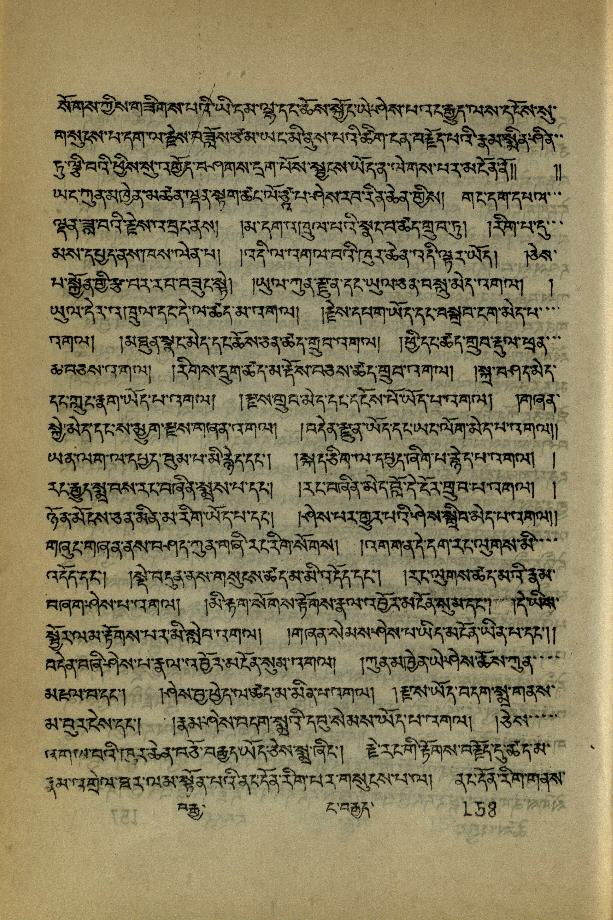སོགས་ཀྱིས་གཟིགས་པའི་ཡི་དམ་ལྷ་དང་ཆོས་སྐྱོང་ཡེ་ཤེས་པའང་རྒྱུད་ལས་དངོས་སུ་
གསུངས་པ་དག་ལ་རྗེས་བཟློས་ཙམ་ཡང་མི་ནུས་པའི་ཚིག་ངན་བརྗོད་པའི་རྣམ་སྨིན་ཤིན་
ཏུ་ལྕི་བའི་ཕྱིས་སུ་འགྱོད་བཤགས་དྲག་པོས་སྦྱངས་ཡོད་ན་ལེགས་པར་མངོན་ནོ།། །།
ཡང་ཀུན་མཁྱེན་མཚན་ལྡན་སྟག་ཚང་ལོ་ཙཱ་པ་ཤེས་རབ་རིན་ཆེན་གྱིས། གང་དག་དཔལ་
ལྡན་ཟླ་བའི་རྗེས་འབྲང་ནས། །མ་དག་འཁྲུལ་བའི་སྣང་བ་ཚད་གྲུབ་ཏུ། །རིག་པ་དུ་
མས་དཔྱད་ནས་ཁས་ལེན་པ། །འདི་ལ་འགལ་བའི་ཁུར་ཆེན་འདི་ལྟར་ཡོད། །ཅེས་
པ་སྐྱོན་གྱི་རྩ་བར་རབ་བཟུང་སྟེ། །ཡུལ་ཀུན་རྫུན་དང་ཡུལ་ཅན་བསླུ་མེད་འགལ། །
ཡུལ་དེར་འཁྲུལ་དང་དེ་ལ་ཚད་མ་འགལ། །རྗེས་དཔག་ཡོད་དང་བསྒྲབ་ངག་མེད་པ་
འགལ། །མཐུན་སྣང་མེད་དང་ཆོས་ཅན་ཚད་གྲུབ་འགལ། །ཕྱི་དང་ཚད་གྲུབ་རྡུལ་ཕྲན་
ཆ་བཅས་འགལ། །རིགས་དྲུག་ཚད་མ་རྡོ་ས་བཅས་ཚད་གྲུབ་འགལ། །སྐྲ་བཤད་མེད་
དང་ཀླུང་རང་ཡོད་པ་འགལ། །རྫས་གྲུབ་མེད་དང་དངོས་པོ་ཡོད་པ་འགལ། །གཞན་
སྐྱེ་མེད་དང་ས་མྱུག་རྫས་གཞན་འགལ། །བདེན་རྫུན་ཡོད་དང་ཡང་ལོག་མེད་པ་འགལ།།
ཡན་ལག་ལ་དཔྱད་བུམ་པ་མི་རྙེད་དང་། །སྐད་ཅིག་ལ་དཔྱད་ཞིག་པ་རྙེད་པ་འགལ། །
རང་རྒྱུད་སྨྲ་བས་རང་བཞིན་སྨྲས་པ་དང་། །རང་བཞིན་མེད་བློ་དེ་ངོར་གྲུབ་པ་འགལ།།
ཉོན་མོངས་ཅན་མིན་མ་རིག་ཡོད་པ་དང་། །ཤེས་པར་གྱུར་པའི་ཤེས་སྒྲིབ་མེད་པ་འགལ།།
གཞུང་གཞན་ནས་བཤད་ཀུན་གཞི་རང་རིག་སོགས། །འགག་ན་དེ་དག་རང་ལུགས་མི་
འདོད་དང་། །སྡེ་བདུན་ནས་གསུངས་ཚད་མ་མི་འདོད་དང་། །རང་ལུགས་ཚད་མའི་རྣམ་
བཞག་ཤེས་པ་འགལ། །མི་རྟག་སོགས་རྟོགས་རྣལ་འབྱོར་མངོན་སུམ་དང་། །དེ་ཡིས་
སྦྱོར་ལམ་རྟོགས་པར་མི་སླེབ་འགལ། །གཞན་སེམས་ཤེས་པ་ཡིད་མངོན་ཡིན་པ་དང།།
བདེན་བཞི་ཤེས་པ་རྣལ་འབྱོར་མངོན་སུམ་འགལ། །ཀུན་མཁྱེན་ཡེ་ཤེས་ཆོས་ཀུན་
མཇལ་བ་དང་། །ཤེས་བྱ་ཕྱེད་ལ་ཚད་མ་མིན་པ་འགལ། །རྫས་ཡོད་བདག་སྨྲ། །ནས་
མ་བུར་ངེས་དང་། །རྣམ་ཤེས་བདག་སྨྲའི་དབུ་སེམས་ཡོད་པ་འགལ། །ཅེས་
ཞགས་བའི་ཁུར་ཆེན་བཅོ་བརྒྱད་ཡོད་ཅེས་སྨྲ་ཞིང་། རྗེ་རང་གི་རྟོགས་བརྗོད་དུ་ཚད་མ་
རྣམ་འགྲེལ་ཐར་ལམ་སྟོན་པའི་ནང་དོན་རིག་པར་གསུངས་པ་ལ། ནང་དོན་རིག་གནས་